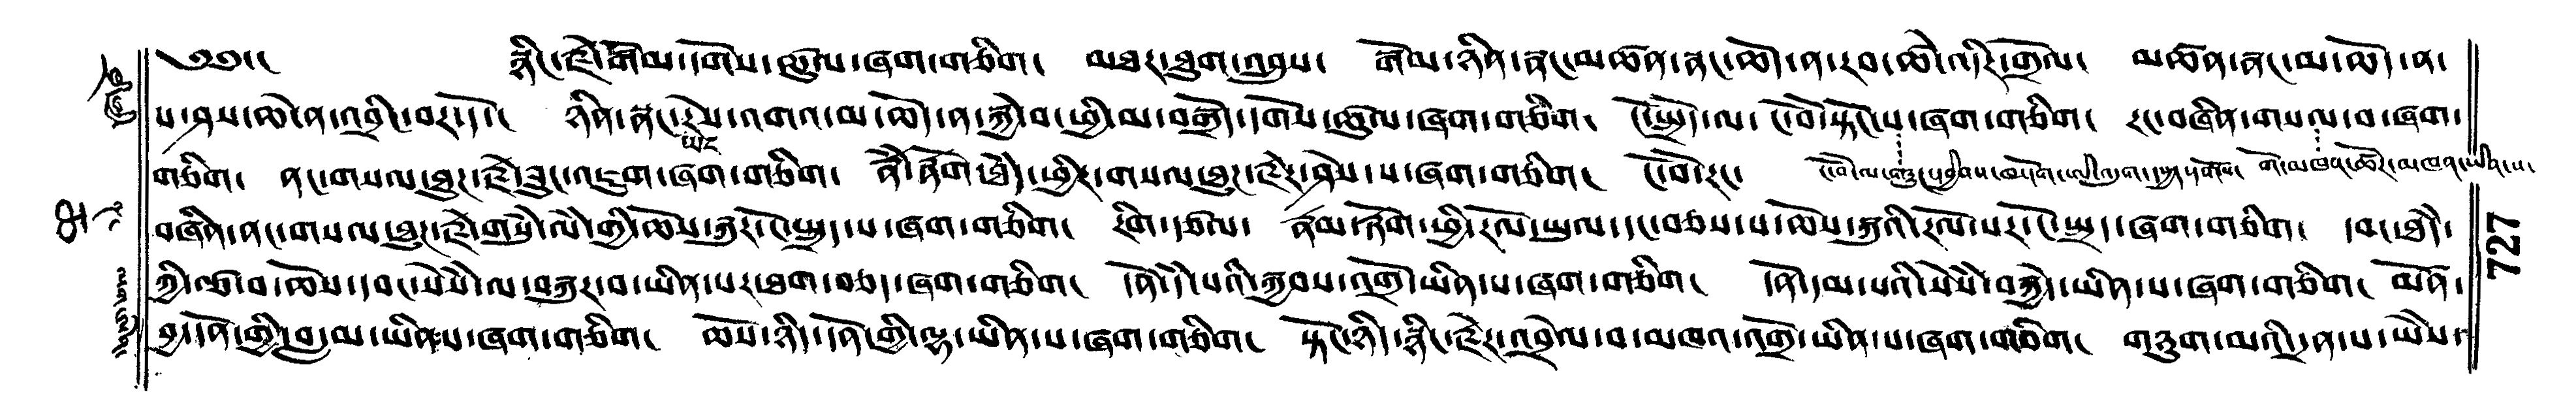སྙིང་རྗེ་སྒོམ་དགོས་ཚུལ་ཞག་གཅིག མཐར་ཐུག་འབྲས་བུ། སྒོམ་ཉིན་སྣང་མཚན་སྣང་ཆོད་ན་རབ་ཚེ་འདིར་གྲོལ། མཚན་སྣང་མ་ཆོད་
པ་ཤས་ཆེ་ན་འབྲིང་བར་དོ། ཉིན་སྣང་ཡང་རེས་འགའ་མ་ཆོད་ན་སྐྱེ་བ་ཕྱི་མ་བསྒྲོད་དགོས་ཚུལ་ཞག་གཅིག ངོ་སྤྲོད་ལ་ངོ་བོ་སྟོང་པ་ཞག་གཅིག རང་བཞིན་གསལ་བ་ཞག་
གཅིག ནང་གསལ་ཐུགས་རྗེ་ཟུང་འཇུག་ཞག་གཅིག རྣམ་རྟོག་ཐམས་ཅད་ཕྱིར་གསལ་ཐུགས་རྗེར་ཤེས་པ་ཞག་གཅིག ངོ་བོ་རང་
བཞིན་ནང་གསལ་ཐུགས་རྗེ་གསུམ་ལམ་གྱི་ཆོས་སྐུར་ངོ་སྤྲད་པ་ཞག་གཅིག རིག་རྩལ། རྣམ་རྟོག ཕྱི་རོལ་ཡུལ་དང་བཅས་པ་ཆོས་སྐུའི་རོལ་པར་ངོ་སྤྲད་པ་ཞག་གཅིག དབང་ཐམས་ཅད་
ཀྱི་རྩ་བ་ཆོས་དབང་སེམས་ལ་བསྐུར་བ་ཡིན་པར་ཐག་བཅད་ཞག་གཅིག དོན་དམ་པའི་སྐྱབས་འགྲོ་ཡིན་པ་ཞག་གཅིག དོན་དམ་པའི་སེམས་བསྐྱེད་ཡིན་པ་ཞག་གཅིག མཚོན་
བྱ་དོན་གྱི་བླ་མ་ཡིན་པ་ཞག་གཅིག ཆོས་ཉིད་དོན་གྱི་ལྷ་ཡིན་པ་ཞག་གཅིག སྟོང་ཉིད་སྙིང་རྗེར་འབྲེལ་བ་མཁའ་འགྲོ་ཡིན་པ་ཞག་གཅིག གཉུག་མའི་དྲན་པ་ཡེ་ཤེས་